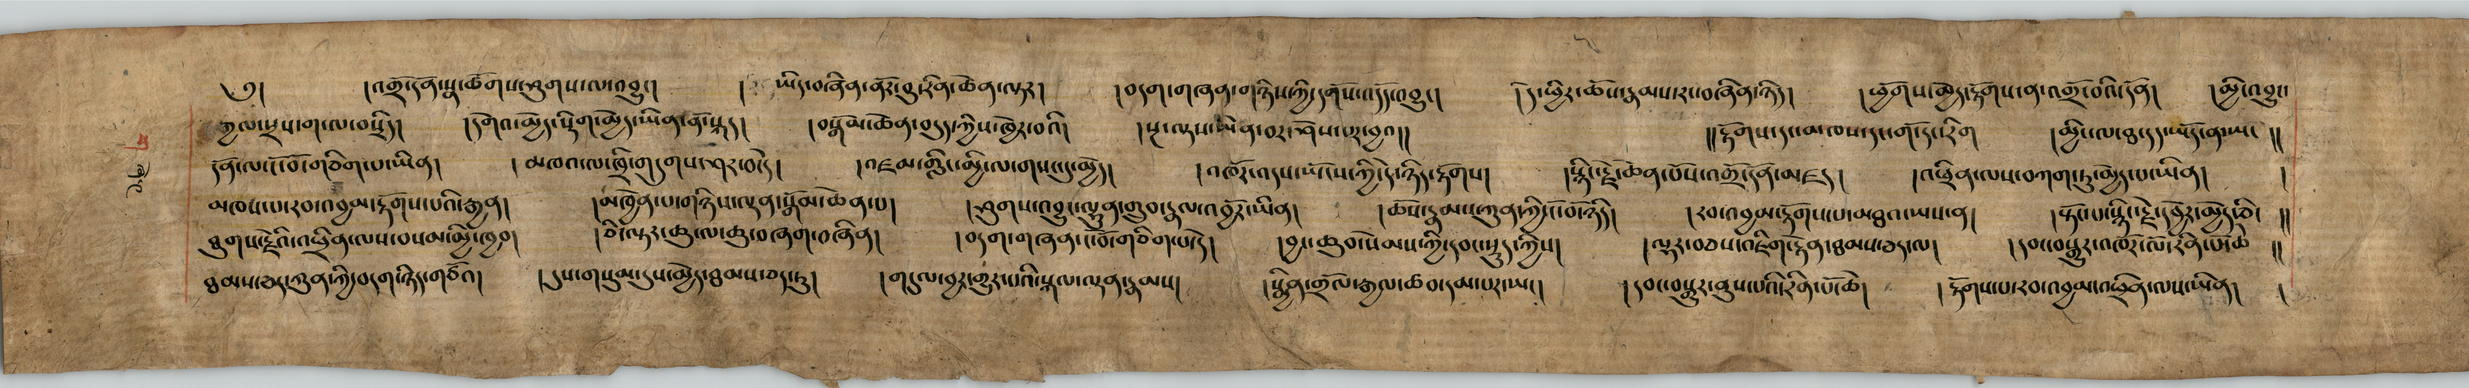༅། །འགྲོ་དོན་སྣ་ཚོགས་ཤུགས་ལ་འབྱུང། ། ཡིད་བཞིན་ནོར་བུ་རིན་ཆེན་ལྟར། །བདག་གཞན་གཉིས་ཀྱི་དགོས་འདོད་འབྱུང། །དེ་ཕྱིར་ཆོས་རྣམས་རང་བཞིན་ཉིད། །ཕྱོགས་མྱེད་རྟོགས་ན་འགྲོ་བའི་དོན། །མྱི་འབྱུང་
རྒྱལ་སྲས་ག་ལ་སྲིད། །དགེའ་མྱེད་སྡིག་ྨཡེད་ཡིན་ནོ་སྐད། བསྒོམ་ཆེན་བདུད་ཀྱིས་ཁྱེར་བའི། །སྔ་ལྟས་མིན་བར་ཤེས་པར་བྱའ།། །།རྟོགས་དང་མཁས་དང་གོ་དང་རིག །མྱིང་ལ་ཐ་དད་ཡོད་ན་ཡང །།
དོན་ལ་ངོ་བོ་གཅིག་པ་ཡིན། །མཁའ་ལ་ཁྲི་གདུགས་ཤར་བ་དེ། །འཛམ་གླིང་མྱི་ལ་གསང་དུ་མྱེད། །འཁོར་འདས་ཡོངས་ཀྱི་དེ་ཉིད་རྟོགས། །སྙིང་རྗེ་ཆེན་པོས་འགྲོ་དོན་མཛད། །འཕྲིན་ལས་བཀག་ཏུ་མྱེད་པ་ཡིན།
མཁས་པ་རབ་འབྱམ་རྟོགས་པའི་རྒྱན། །མཁྱེན་པ་གཉིས་ལྡན་སྒོམ་ཆེན་པ། །ཤུགས་འབྱུང་ལྷུན་གྲུབ་རྣལ་འབྱོར་ཡིན། །ཆོས་རྣམས་ཀུན་ཀྱི་ངོ་བོ་ཉིད། །རབ་འབྱམ་རྟོགས་པ་མཐའ་ཡས་ན། །སྟོང་པ་སྙིང་རྗེ་དབྱེར་མྱེད་ཅིང །།
ཐུགས་རྗེའི་འཕྲིན་ལས་བསམ་མྱི་ཁྱབ། །ཅི་ལྟར་ཆུ་ལ་ཆུ་བཞག་བཞིན། །བདག་གཞན་ངོ་བོ་གཅིག་པ་དེ། །བྱང་ཆུབ་སེམས་ཀྱི་དབང་སྡུད་ཀྱིས། །ལྷར་བཅས་འཇིག་རྟེན་ཐམས་ཅད་ལ། །དབང་བསྒྱུར་འཁོར་ལོ་རིན་པོ་ཆེ །།
ཐམས་ཅད་ཀུན་ཀྱི་བདག་ཉིད་གཙོའ། །དུས་གསུམ་དུས་མྱེད་ཐམས་ཅད་ཏུ། །གདུལ་བྱར་གྱུར་པའི་སྐལ་ལྡན་རྣམས། །སྨྱིན་གྲོལ་རྒྱལ་ཚབ་དམ་པར་ཡང། །དབང་བསྒྱུར་ནུས་པའི་རིན་པོ་ཆེ། །རྟོགས་པ་རབ་འབྱམ་འཕྲིན་ལས་ཡིན། །